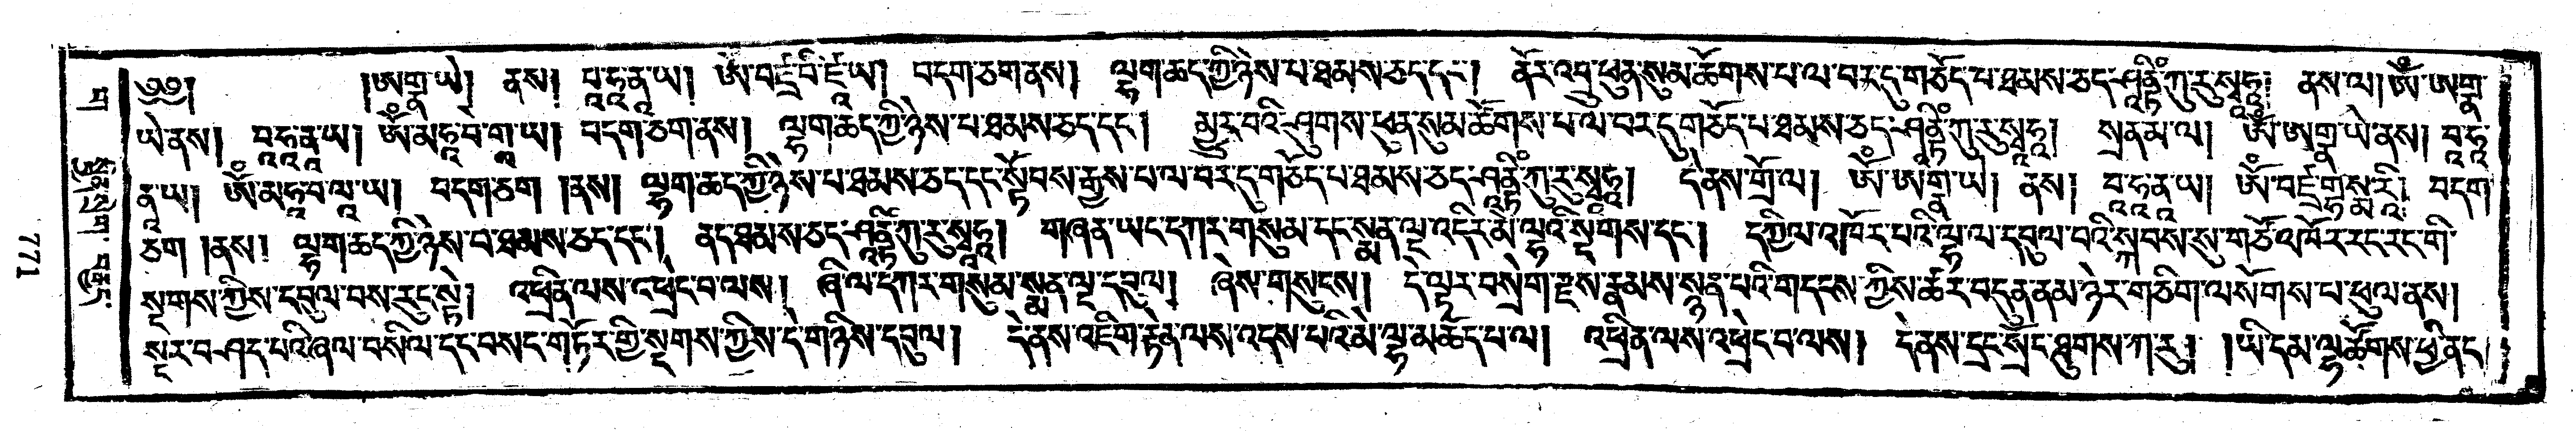༄༅། །ཨགན་ཡེ། ནས། པཱ་ཧཱ་ནཱ་ཡ། ཨོཾ་བཛྲ་བི་ཛཱ་ཡ། བདག་ཅག་ནས། ལྷག་ཆད་ཀྱི་ཉེས་པ་ཐམས་ཅད་དང་། ནོར་འབྲུ་ཕུན་སུམ་ཆོགས་པ་ལ་བར་དུ་གཅོད་པ་ཐམས་ཅད་ཤཱནྟིཾ་ཀུ་རུ་སྭཱཧཱ། ནས་ལ། ཨོཾ་ཨགན་
ཡེ་ནས། བཱ་ཧཱ་ནཱ་ཡ། ཨོཾ་མཧཱ་བེ་གཱ་ཡ། བདག་ཅག་ནས། ལྷག་ཆད་ཀྱི་ཉེས་པ་ཐམས་ཅད་དང་། མྱུར་བའི་ཤུགས་ཕུན་སུམ་ཚོགས་པ་ལ་བར་དུ་གཅོད་པ་ཐམས་ཅད་ཤཱནྟིཾ་ཀུ་རུ་སྭཱཧཱ། སྲན་མ་ལ། ཨོཾ་ཨགན་ཡེ་ནས། བཱ་ཧཱ་
ནཱ་ཡ། ཨོཾ་མཧཱ་བ་ལཱ་ཡ། བདག་ཅག །ནས། ལྷག་ཆད་ཀྱི་ཉེས་པ་ཐམས་ཅད་དང་སྟོབས་རྒྱས་པ་ལ་བར་དུ་གཅོད་པ་ཐམས་ཅད་ཤཱནྟིཾ་ཀུ་རུ་སྭཱཧཱ། དེ་ནས་གྲོ་ལ། ཨོཾ་ཨགན་ཡེ། ནས། བཱ་ཧཱ་ནཱ་ཡ། ཨོཾ་བཛྲ་གྷ་སྨ་རཱི། བདག་
ཅག །ནས། ལྷག་ཆད་ཀྱི་ཉེས་བ་ཐམས་ཅད་དང་། ནད་ཐམས་ཅད་ཤཱནྟིཾ་ཀུ་རུ་སྭཱཧཱ། གཞན་ཡང་དཀར་གསུམ་དང་སྨན་ལྔ་འདིར་མེ་ལྷའི་སྔགས་དང་། དཀྱིལ་འཁོར་བའི་ལྷ་ལ་དབུལ་བའི་སྐབས་སུ་གཙོ་འཁོར་རང་རང་གི་
སྔགས་ཀྱིས་དབུལ་བས་རུང་སྟེ། འཕྲིན་ལས་འཕྲེང་བ་ལས། ཞི་ལ་དཀར་གསུམ་སྨན་ལྔ་དབུལ། ཞེས་གསུངས། དེ་ལྟར་བསྲེག་རྫས་རྣམས་སྙན་པའི་གདངས་ཀྱིས་ཚར་བདུན་ནམ་ཉེར་གཅིག་ལ་སོགས་པ་ཕུལ་ནས།
སྔར་བཤད་པའི་ཞལ་བསིལ་དང་བསང་གཏོར་གྱི་སྔགས་ཀྱིས་དེ་གཉིས་དབུལ། དེ་ནས་འཇིག་རྟེན་ལས་འདས་པའི་མེ་ལྷ་མཆོད་པ་ལ། འཕྲིན་ལས་འཕྲེང་བ་ལས། དེ་ནས་དྲང་སྲོང་ཐུགས་ཀ་རུ། །ཡི་དམ་ལྷ་ཚོགས་ཕྱི་ནང་།